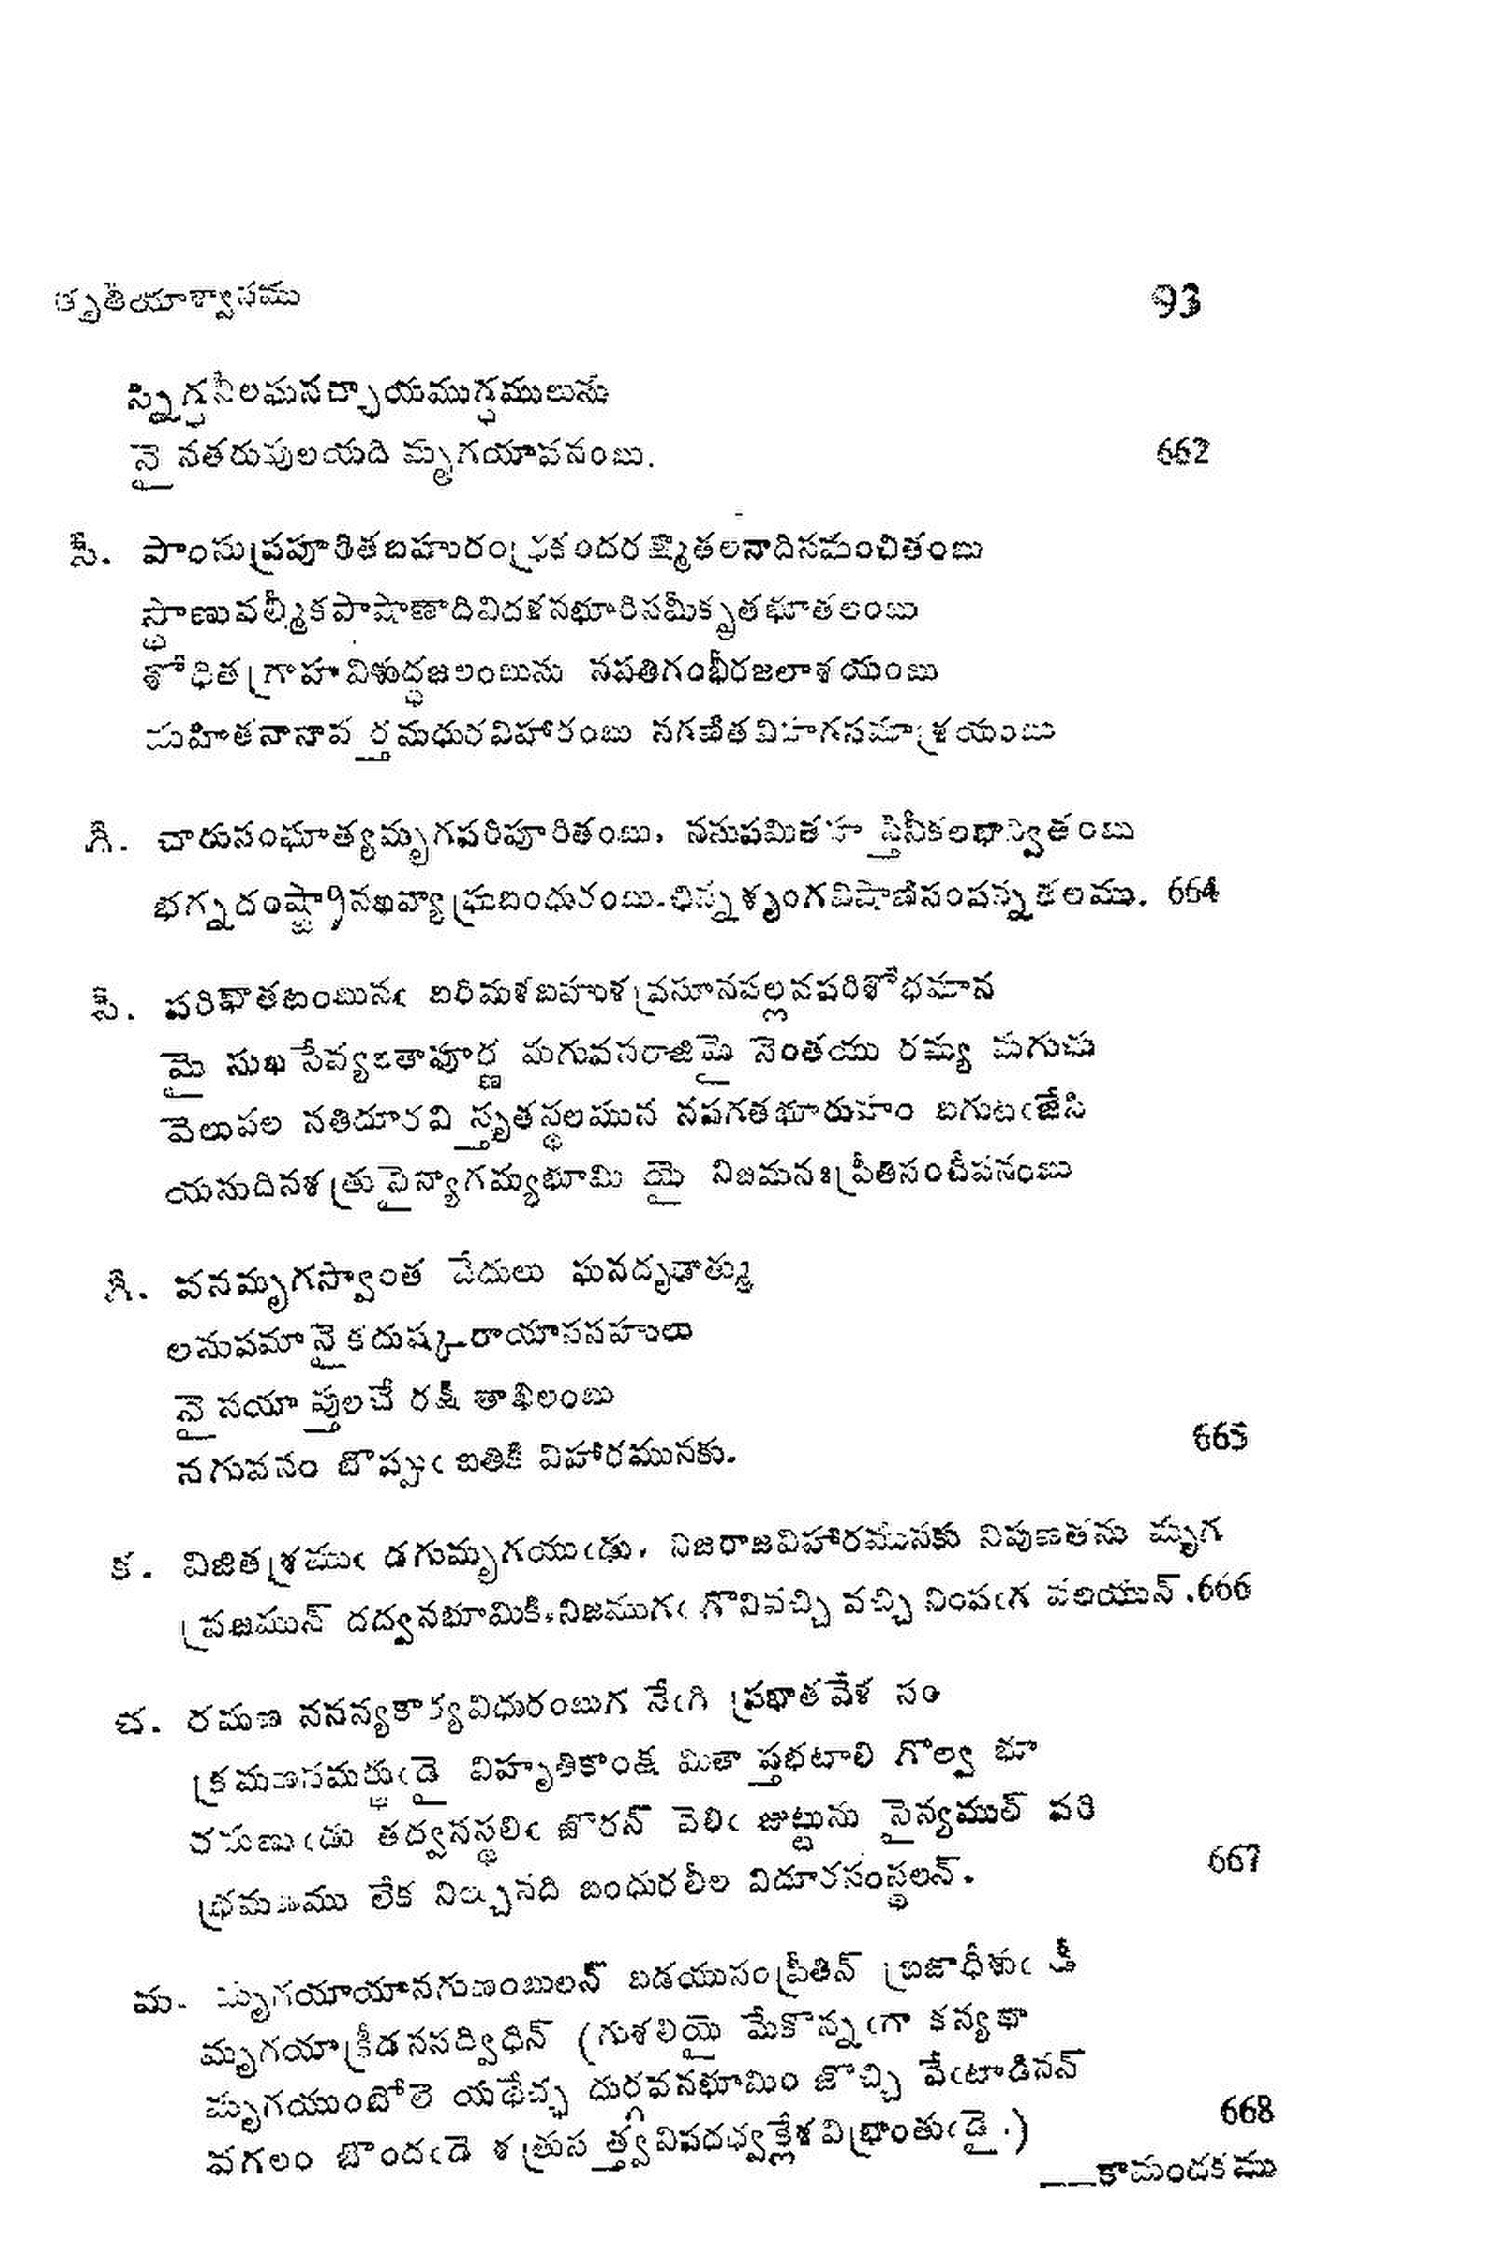స్నిగ్ధనీలఘనచ్ఛాయముగ్ధములును
నైనతరువులయది మృగయావనంబు. 663

సీ. పాంసుప్రపూరితబహురంధ్రకందర
క్ష్మాతలనాదిసమంచితంబు
స్థాణువల్మీకపాషాణాదివిదళన
భూరిసమీకృతభూతలంబు
శోధితగ్రాహవిశుద్ధజలంబును
ననతిగంభీరజలాశయంబు
మహితనానావర్తమధురవిహారంబు
నగణితవిహగసమాశ్రయంబు
గీ. చారుసంఘాత్యమృగపరిపూరితంబు
ననుపమహస్తినీకలభాన్వితంబు
భగ్నదంష్ట్రానఖవ్యాఘ్రబంధురంబు
ఛిన్నశృంగవిషాణిసంపన్నతలము. 664

సీ. పరిఖాతటంబునఁ బరిమళబహుళ
ప్రసూనపల్లవపరిశోభమాన
మై సుఖసేవ్యలతాపూర్ణ మగువన
రాజిమై నెంతయు రమ్య మగుచు
వెలుపల నతిదూరవిస్తృతస్థలమున
నపగతభూరుహం బగుటఁ జేసి
యనుదినశత్రుసైన్యాగమ్యభూమియై
నిజమనఃప్రీతిసందీపనంబు
గీ. వనమృగాస్వాంత వేదులు ఘనదృఢాత్ము
లనుపమానైకదుష్కరాయాససహులు
నైన యాప్తులచే రక్షి తాఖిలంబు
నగువనం బొప్పుఁ బతికి విహారమునకు. 665

క. విజితశ్రముఁ డగు మృగయుఁడు
నిజరాజవిహారమునకు నిపుణతను మృగ
వ్రజమున్ దద్వనభూమికి
నిడముగఁ గొనివచ్చి వచ్చి నింపఁగవలయున్. 666

చ. రమణ ననన్యకార్యవిధురంబుగ నేఁగి ప్రభాతవేళ సం
క్రమణసమర్థుఁడై విహృతికాంక్ష మితాప్తభటాలి గొల్వ భూ
రమణుఁడు తద్వనస్థలిఁ జొరన్ వెలిఁ జుట్టును సైన్యముల్ పరి
భ్రమణము లేక నిల్చునది బంధురలీల విదూరసంస్థలన్. 667

మ. మృగయాయానగుణంబులన్ బడయు సంప్రీతిన్ బ్రజాధీశుఁ డీ
మృగయాక్రీడనసద్విధిన్ (గుశలియై మేకొన్నఁగా కన్యథా
మృగయుంబోలె యథేచ్ఛ దుర్గవనభూమిం జొచ్చి వేఁటాడినన్
వగలం బొందఁడె శత్రుతత్త్వవిపదధ్వక్లేశవిభ్రాంతుఁడై). 668